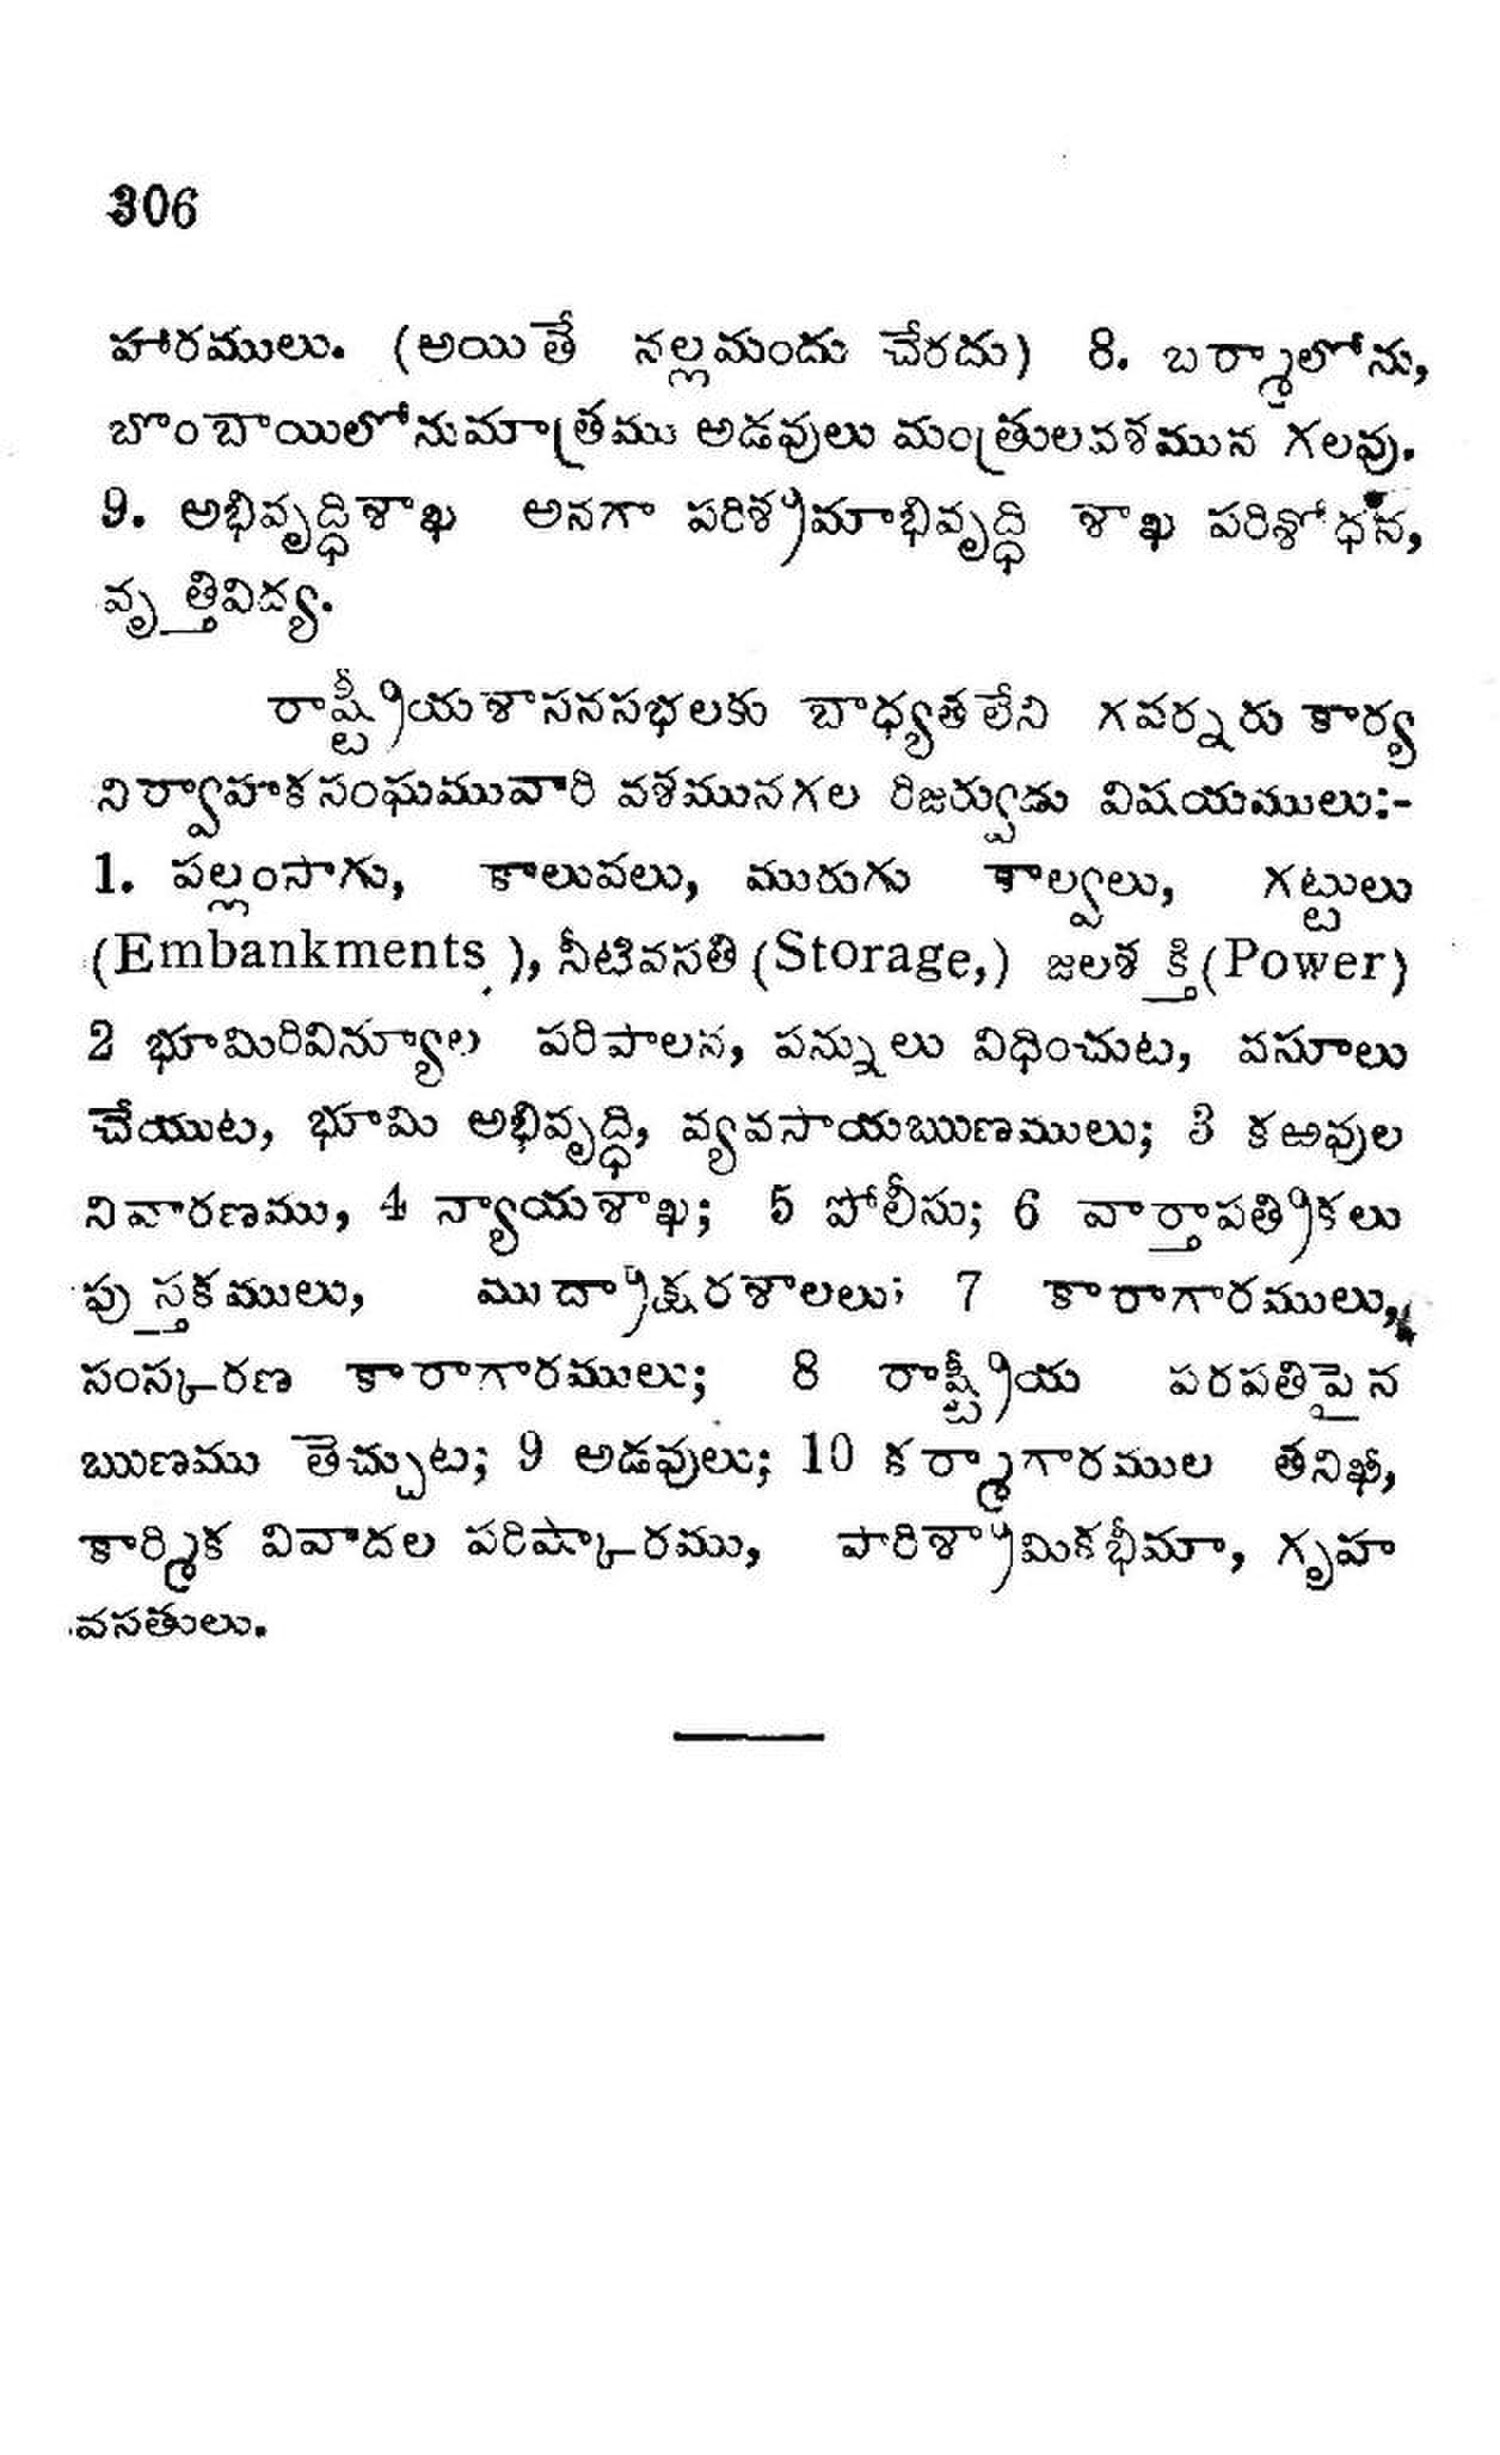హారములు. (అయితే నల్లమందు చేరదు) 8. బర్మాలోను, బొంబాయిలోనుమాత్రము అడవులు మంత్రులవశమున గలవు. 9. అభివృద్ధిశాఖ అనగా పరిశ్రమాభివృద్ధి శాఖ పరిశోధన, వృత్తివిద్య.

రాష్ట్రీయ శాసనసభలకు బాధ్యతలేని గవర్నరు కార్యనిర్వాహకసంఘమువారి వశమునగల రిజర్యుడు విషయములు:- 1. పల్లంసాగు, కాలువలు, మురుగు కాల్వలు, గట్టులు (Embankments ), నీటివసతి (Storage,) జలశక్తి (Power) 2 భూమిరివిన్యూల పరిపాలన, పన్నులు విధించుట, వసూలు చేయుట, భూమి అభివృద్ధి, వ్యవసాయఋణములు; 3 కఱవుల నివారణము, 4 న్యాయశాఖ; 5 పోలీసు; 6 వార్తాపత్రికలు 'పుస్తకములు, ముద్రాక్షరశాలలు, 7 కారాగారములు, సంస్కరణ కారాగారములు; 8 రాష్ట్రీయ పరపతిపైన ఋణము తెచ్చుట; 9 అడవులు; 10 కర్మాగారముల తనిఖీ, కార్మిక వివాదల పరిష్కారము, పారిశ్రామికభీమా, గృహ వసతులు,

__________